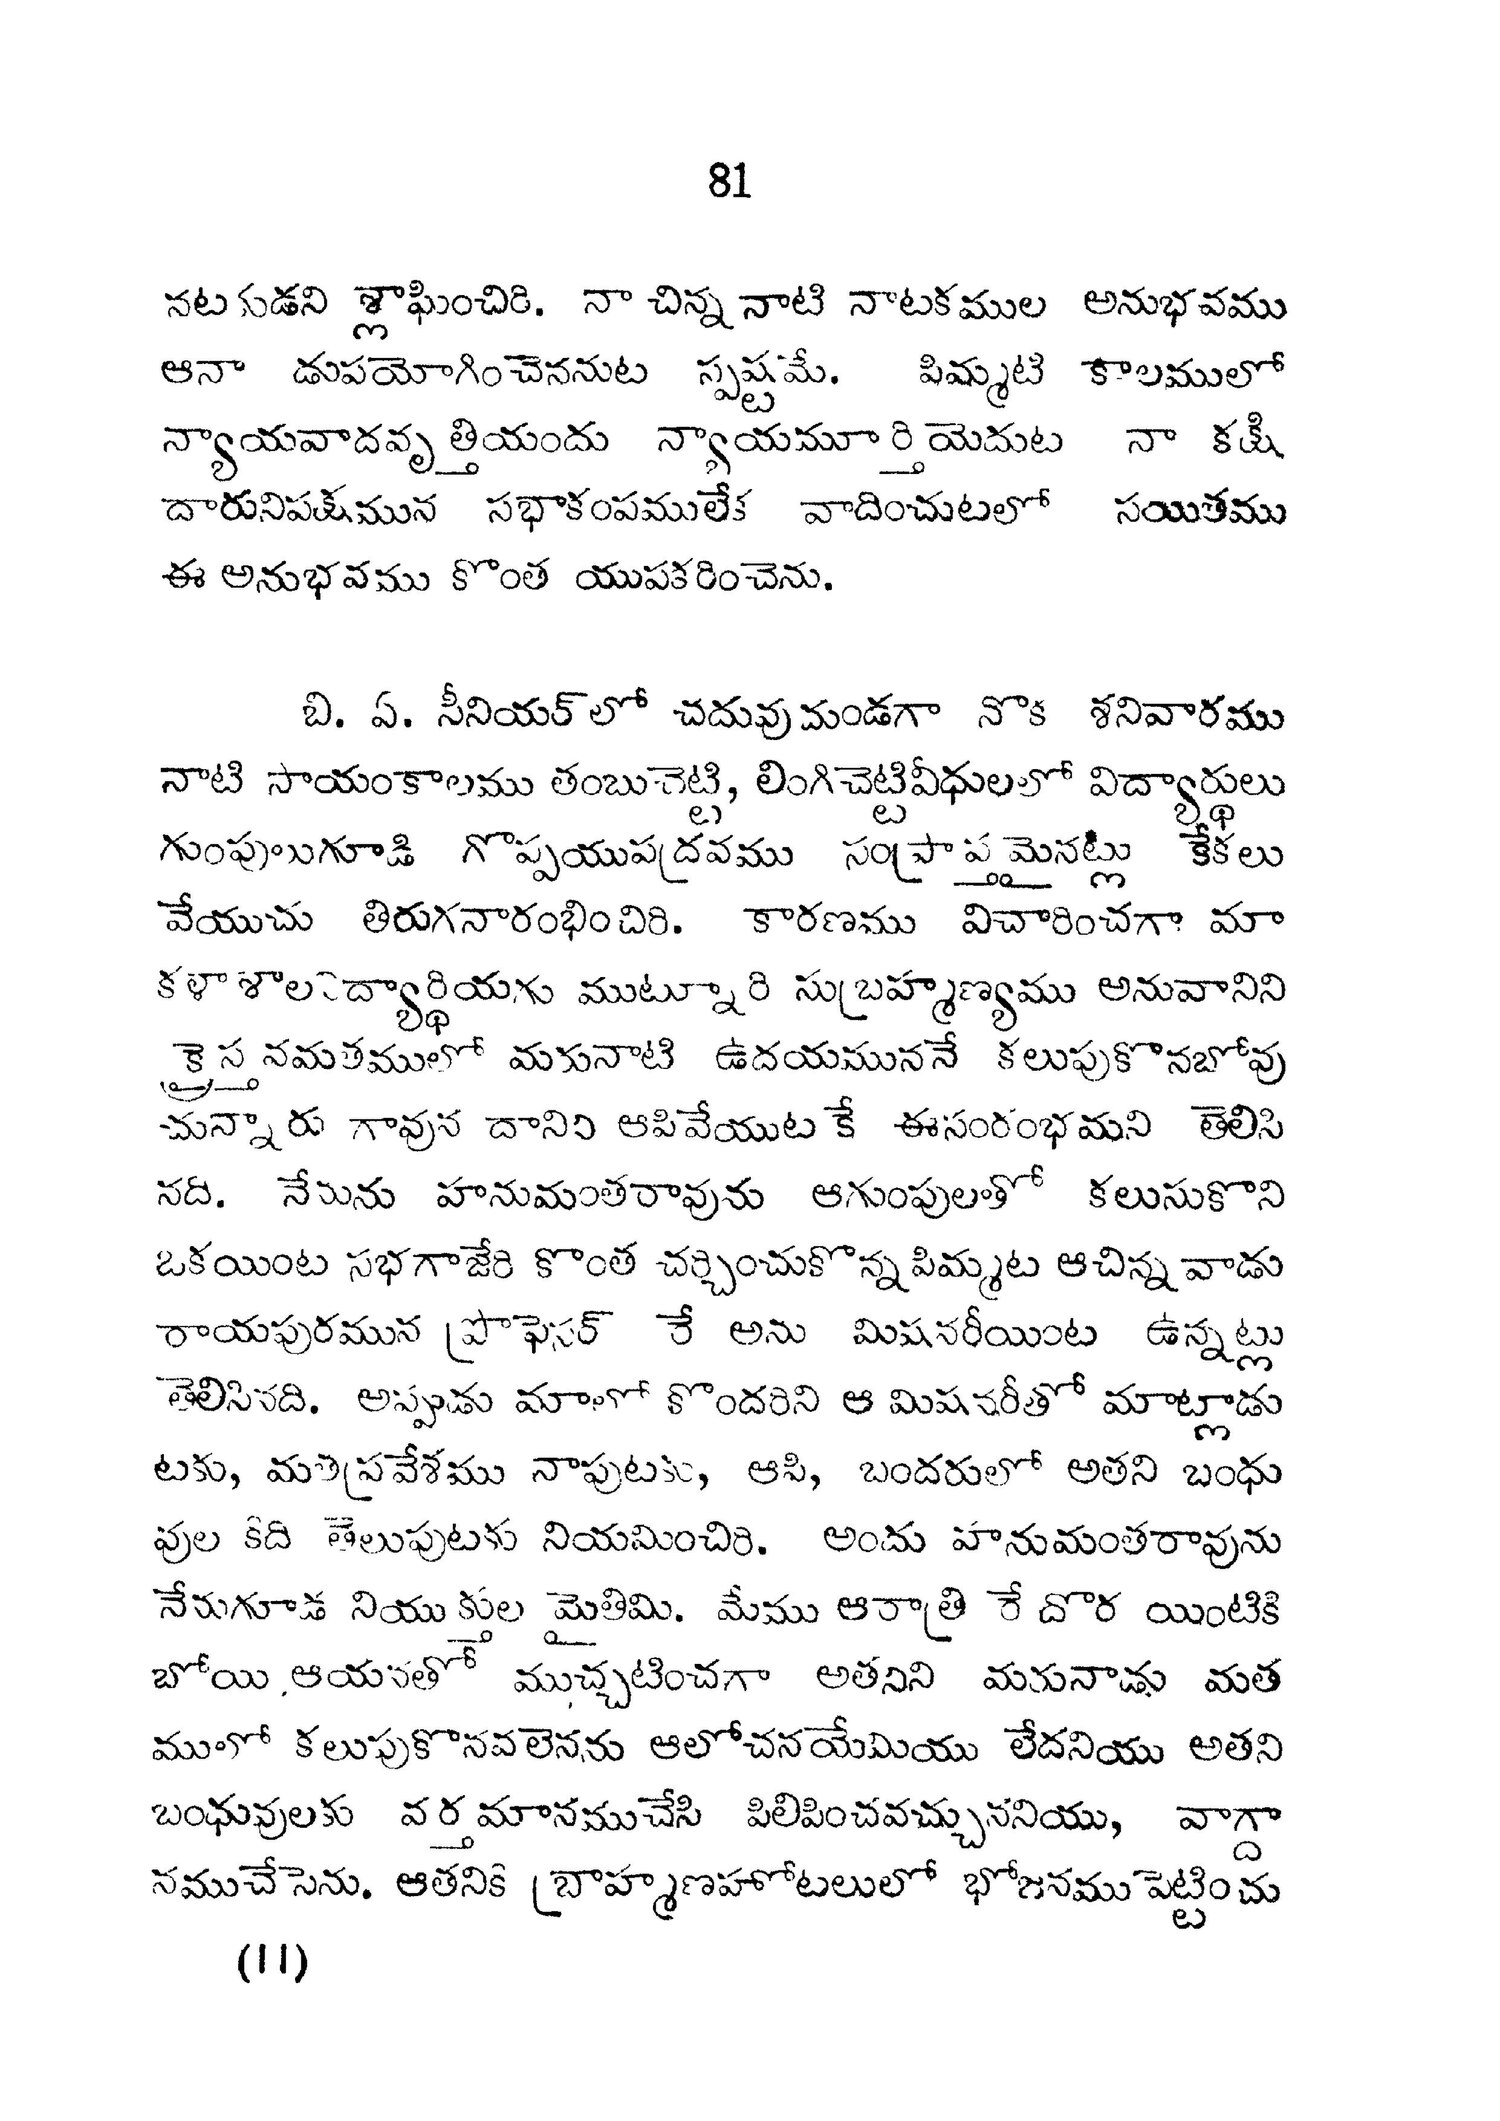నటకుడని శ్లాఘించిరి. నా చిన్ననాటి నాటకముల అనుభవము ఆనా డుపయోగించెననుట స్పష్టమే. పిమ్మటి కాలములో న్యాయవాదవృత్తియందు న్యాయమూర్తియెదుట నా కక్షిదారునిపక్షమున సభాకంపములేక వాదించుటలో సయితము ఈ అనుభవము కొంత యుపకరించెను.

బి. ఏ. సీనియర్‌లో చదువుచుండగా నొక శనివారము నాటి సాయంకాలము తంబుచెట్టి, లింగిచెట్టివీధులలో విద్యార్థులు గుంపులుగూడి గొప్పయుపద్రవము సంప్రాప్తమైనట్లు కేకలు వేయుచు తిరుగనారంభించిరి. కారణము విచారించగా మా కళాశాల విద్యార్థియగు ముట్నూరి సుబ్రహ్మణ్యము అనువానిని క్రైస్తవమతములో మరునాటి ఉదయముననే కలుపుకొనబోవుచున్నారు గావున దానిని ఆపివేయుటకే ఈసంరంభమని తెలిసినది. నేనును హనుమంతురావును ఆగుంపులతో కలుసుకొని ఒకయింట సభగాజేరి కొంత చర్చించుకొన్నపిమ్మట ఆచిన్నవాడు రాయపురమున ప్రొఫెసర్ రే అను మిషనరీయింట ఉన్నట్లు తెలిసినది. అప్పుడు మాలో కొందరిని ఆ మిషనరీతో మాట్లాడుటకు, మతప్రవేశము నాపుటకు, ఆపి, బందరులో అతని బంధువుల కిది తెలుపుటకు నియమించిరి. అందు హనుమంతురావును నేనుగూడ నియుక్తుల మైతిమి. మేము ఆరాత్రి రే దొర యింటికి బోయి ఆయనతో ముచ్చటించగా అతనిని మరునాడు మతములో కలుపుకొనవలెనను ఆలోచనయేమియు లేదనియు అతని బంధువులకు వర్తమానముచేసి పిలిపించవచ్చుననియు, వాగ్దానముచేసెను. ఆతనికి బ్రాహ్మణహోటలులో భోజనము పెట్టించు